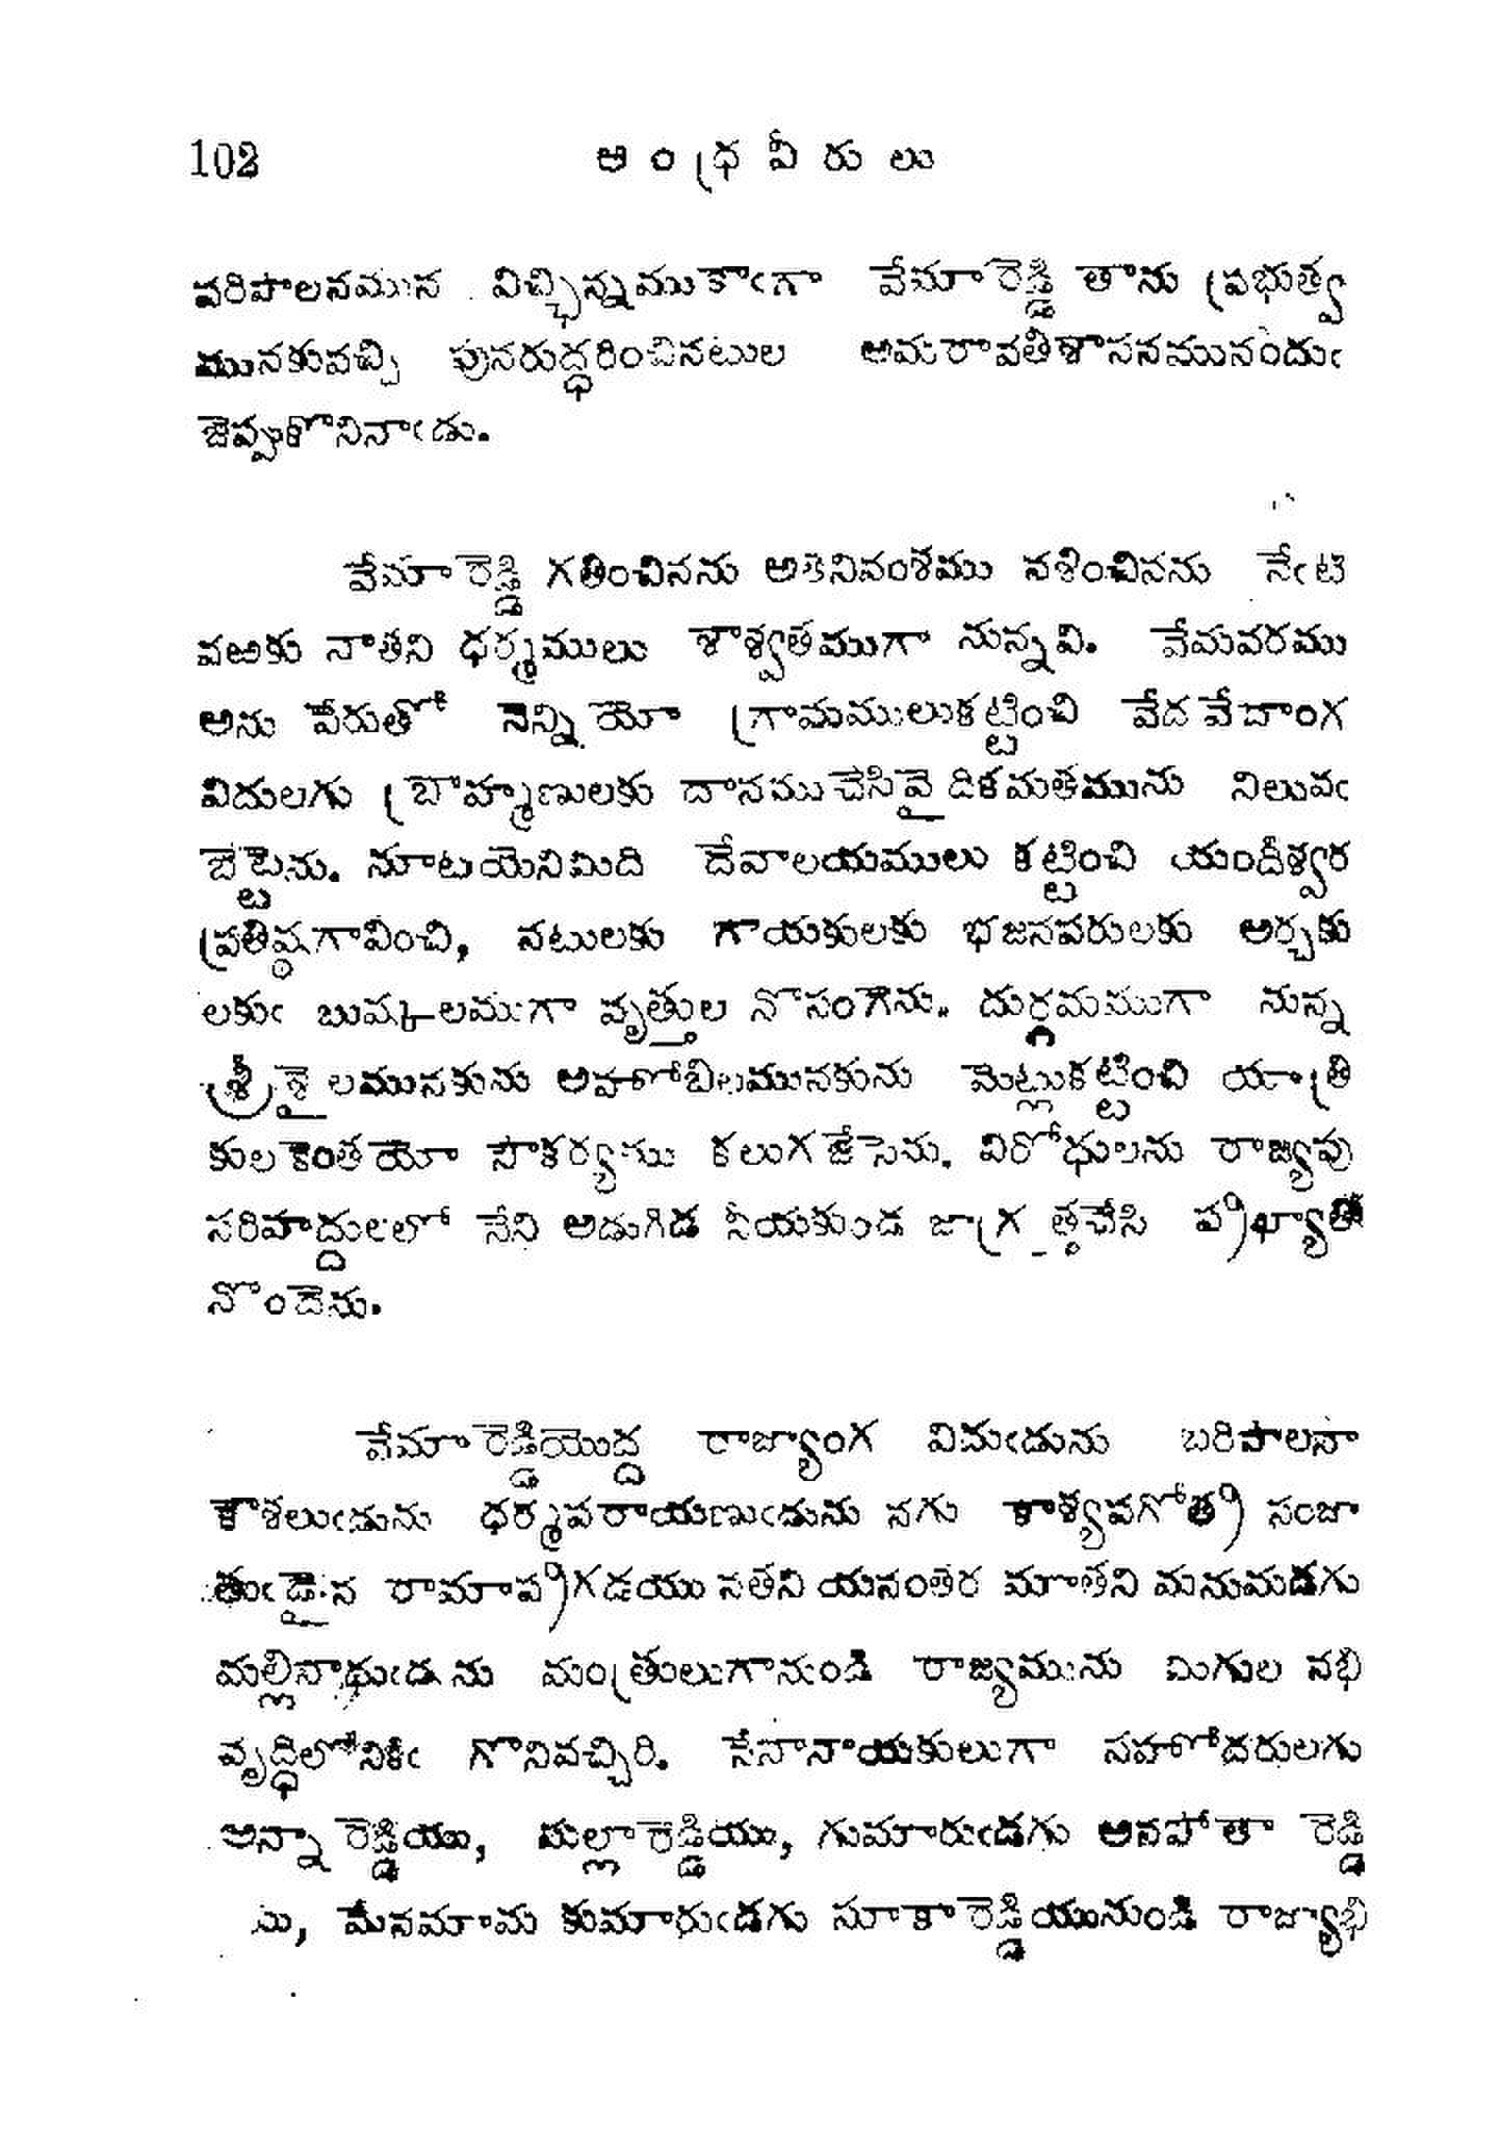పరిపాలనమున విచ్ఛిన్నముకాగా వేమారెడ్డి తాను ప్రభుత్వమునకువచ్చి పునరుద్ధరించినటుల అమరావతిశాసనమునందు జెప్పుకొనినాడు.

వేమారెడ్డి గతించినను అతనివంశము నశించినను నేటివఱకు నాతని ధర్మములు శాశ్వతముగా నున్నవి. వేమవరము అను పేరుతో నెన్నియో గ్రామములుకట్టించి వేదవేదాంగ విదులగు బ్రాహ్మణులకు దానముచేసి వైదికమతమును నిలువబెట్టెను. నూటయెనిమిది దేవాలయములు కట్టించి యందీశ్వర ప్రతిష్ఠగావించి, నటులకు గాయకులకు భజనపరులకు అర్చకులకు బుష్కలముగా వృత్తుల నొసంగెను. దుర్గమముగా నున్న శ్రీశైలమునకును అహోబిలమునకును మెట్లుకట్టించి యాత్రికుల కెంతయో సౌకర్యము కలుగజేసెను. విరోధులను రాజ్యపు సరిహద్దులలో నేని అడుగిడ నీయకుండ జాగ్రత్తచేసి ప్రఖ్యాతి నొందెను.

వేమారెడ్డియొద్ద రాజ్యాంగ విదుడును బరిపాలనా కౌశలుడును ధర్మపరాయణుడును నగు కాశ్యపగోత్ర సంజాతుడైన రామాప్రగడయు నతని యనంతర మాతని మనుమడగు మల్లినాథుడును మంత్రులుగానుండి రాజ్యమును మిగుల నభివృద్ధిలోనికి గొనివచ్చిరి. సేనానాయకులుగా సహోదరులగు అన్నారెడ్డియు, మల్లారెడ్డియు, గుమారుడగు అనపోతా రెడ్డియు, మేనమామ కుమారుడగు నూకారెడ్డియునుండి రాజ్యాభి